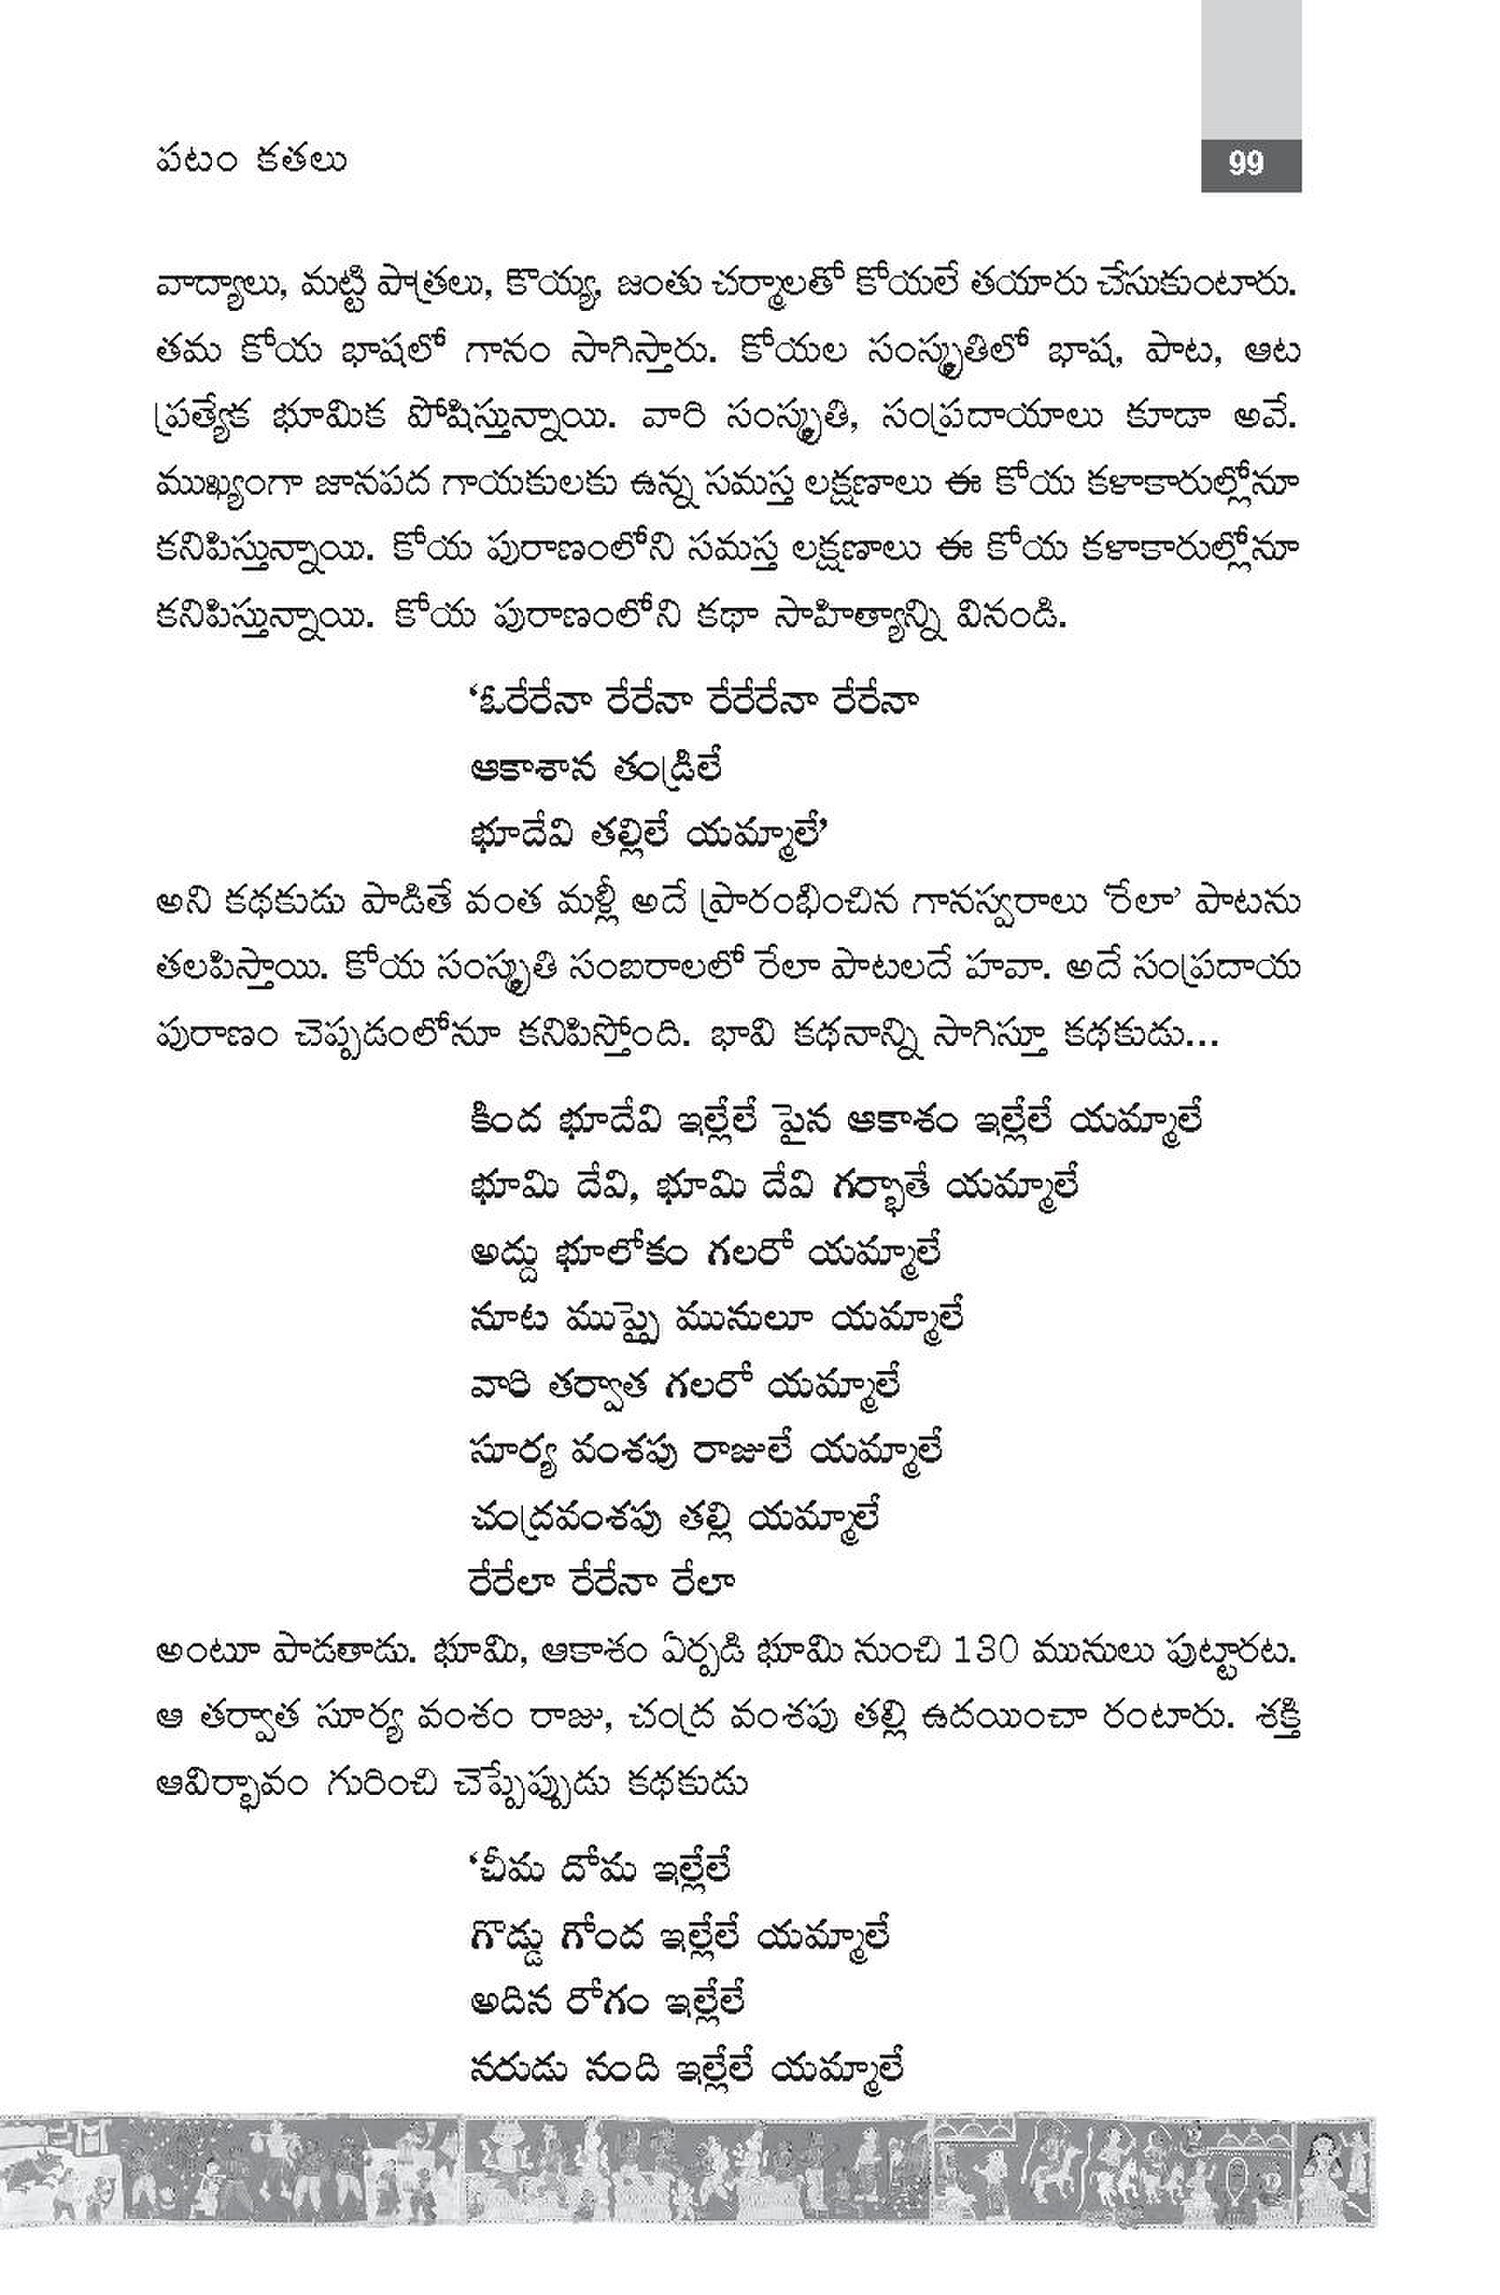వాద్యాలు, మట్టి పాత్రలు, కొయ్య, జంతు చర్మాలతో కోయలే తయారు చేసుకుంటారు. తమ కోయ భాషలో గానం సాగిస్తారు. కోయల సంస్కృతిలో భాష, పాట, ఆట ప్రత్యేక భూమిక పోషిస్తున్నాయి. వారి సంస్కృతి, సంప్రదాయాలు కూడా అవే. ముఖ్యంగా జానపద గాయకులకు ఉన్న సమస్త లక్షణాలు ఈ కోయ కళాకారుల్లోనూ కనిపిస్తున్నాయి. కోయ పురాణంలోని సమస్త లక్షణాలు ఈ కోయ కళాకారుల్లోనూ కనిపిస్తున్నాయి. కోయ పురాణంలోని కథా సాహిత్యాన్ని వినండి.

'ఓరేరేనా రేరేనా రేరేరేనా రేరేనా
ఆకాశాన తండ్రిలే
భూదేవి తల్లిలే యమ్మాలే'

అని కథకుడు పాడితే వంత మళ్లీ అదే ప్రారంభించిన గానస్వరాలు 'రేలా' పాటను తలపిస్తాయి. కోయ సంస్కృతి సంబరాలలో రేలా పాటలదే హవా. అదే సంప్రదాయ పురాణం చెప్పడంలోనూ కనిపిస్తోంది. భావి కథనాన్ని సాగిస్తూ కథకుడు...

కింద భూదేవి ఇల్లేలే పైన ఆకాశం ఇల్లేలే యమ్మాలే
భూమి దేవి, భూమి దేవి గర్భాతే యమ్మాలే
అడ్డు భూలోకం గలరో యమ్మాలే
నూట ముప్పై మునులూ యమ్మాలే
వారి తర్వాత గలరో యమ్మాలే
సూర్య వంశపు రాజులే యమ్మాలే
చంద్రవంశపు తల్లి యమ్మాలే
రేరేలా రేరేనా రేలా

అంటూ పాడతాడు. భూమి, ఆకాశం ఏర్పడి భూమి నుంచి 130 మునులు పుట్టారట. ఆ తర్వాత సూర్య వంశం రాజు, చంద్ర వంశపు తల్లి ఉదయించా రంటారు. శక్తి ఆవిర్భావం గురించి చెప్పేప్పుడు కథకుడు

'చీమ దోమ ఇల్లేలే
గొడ్డు గోంద ఇల్లేలే యమ్మాలే
అదిన రోగం ఇల్లేలే
నరుడు నంది ఇల్లేలే యమ్మాలే